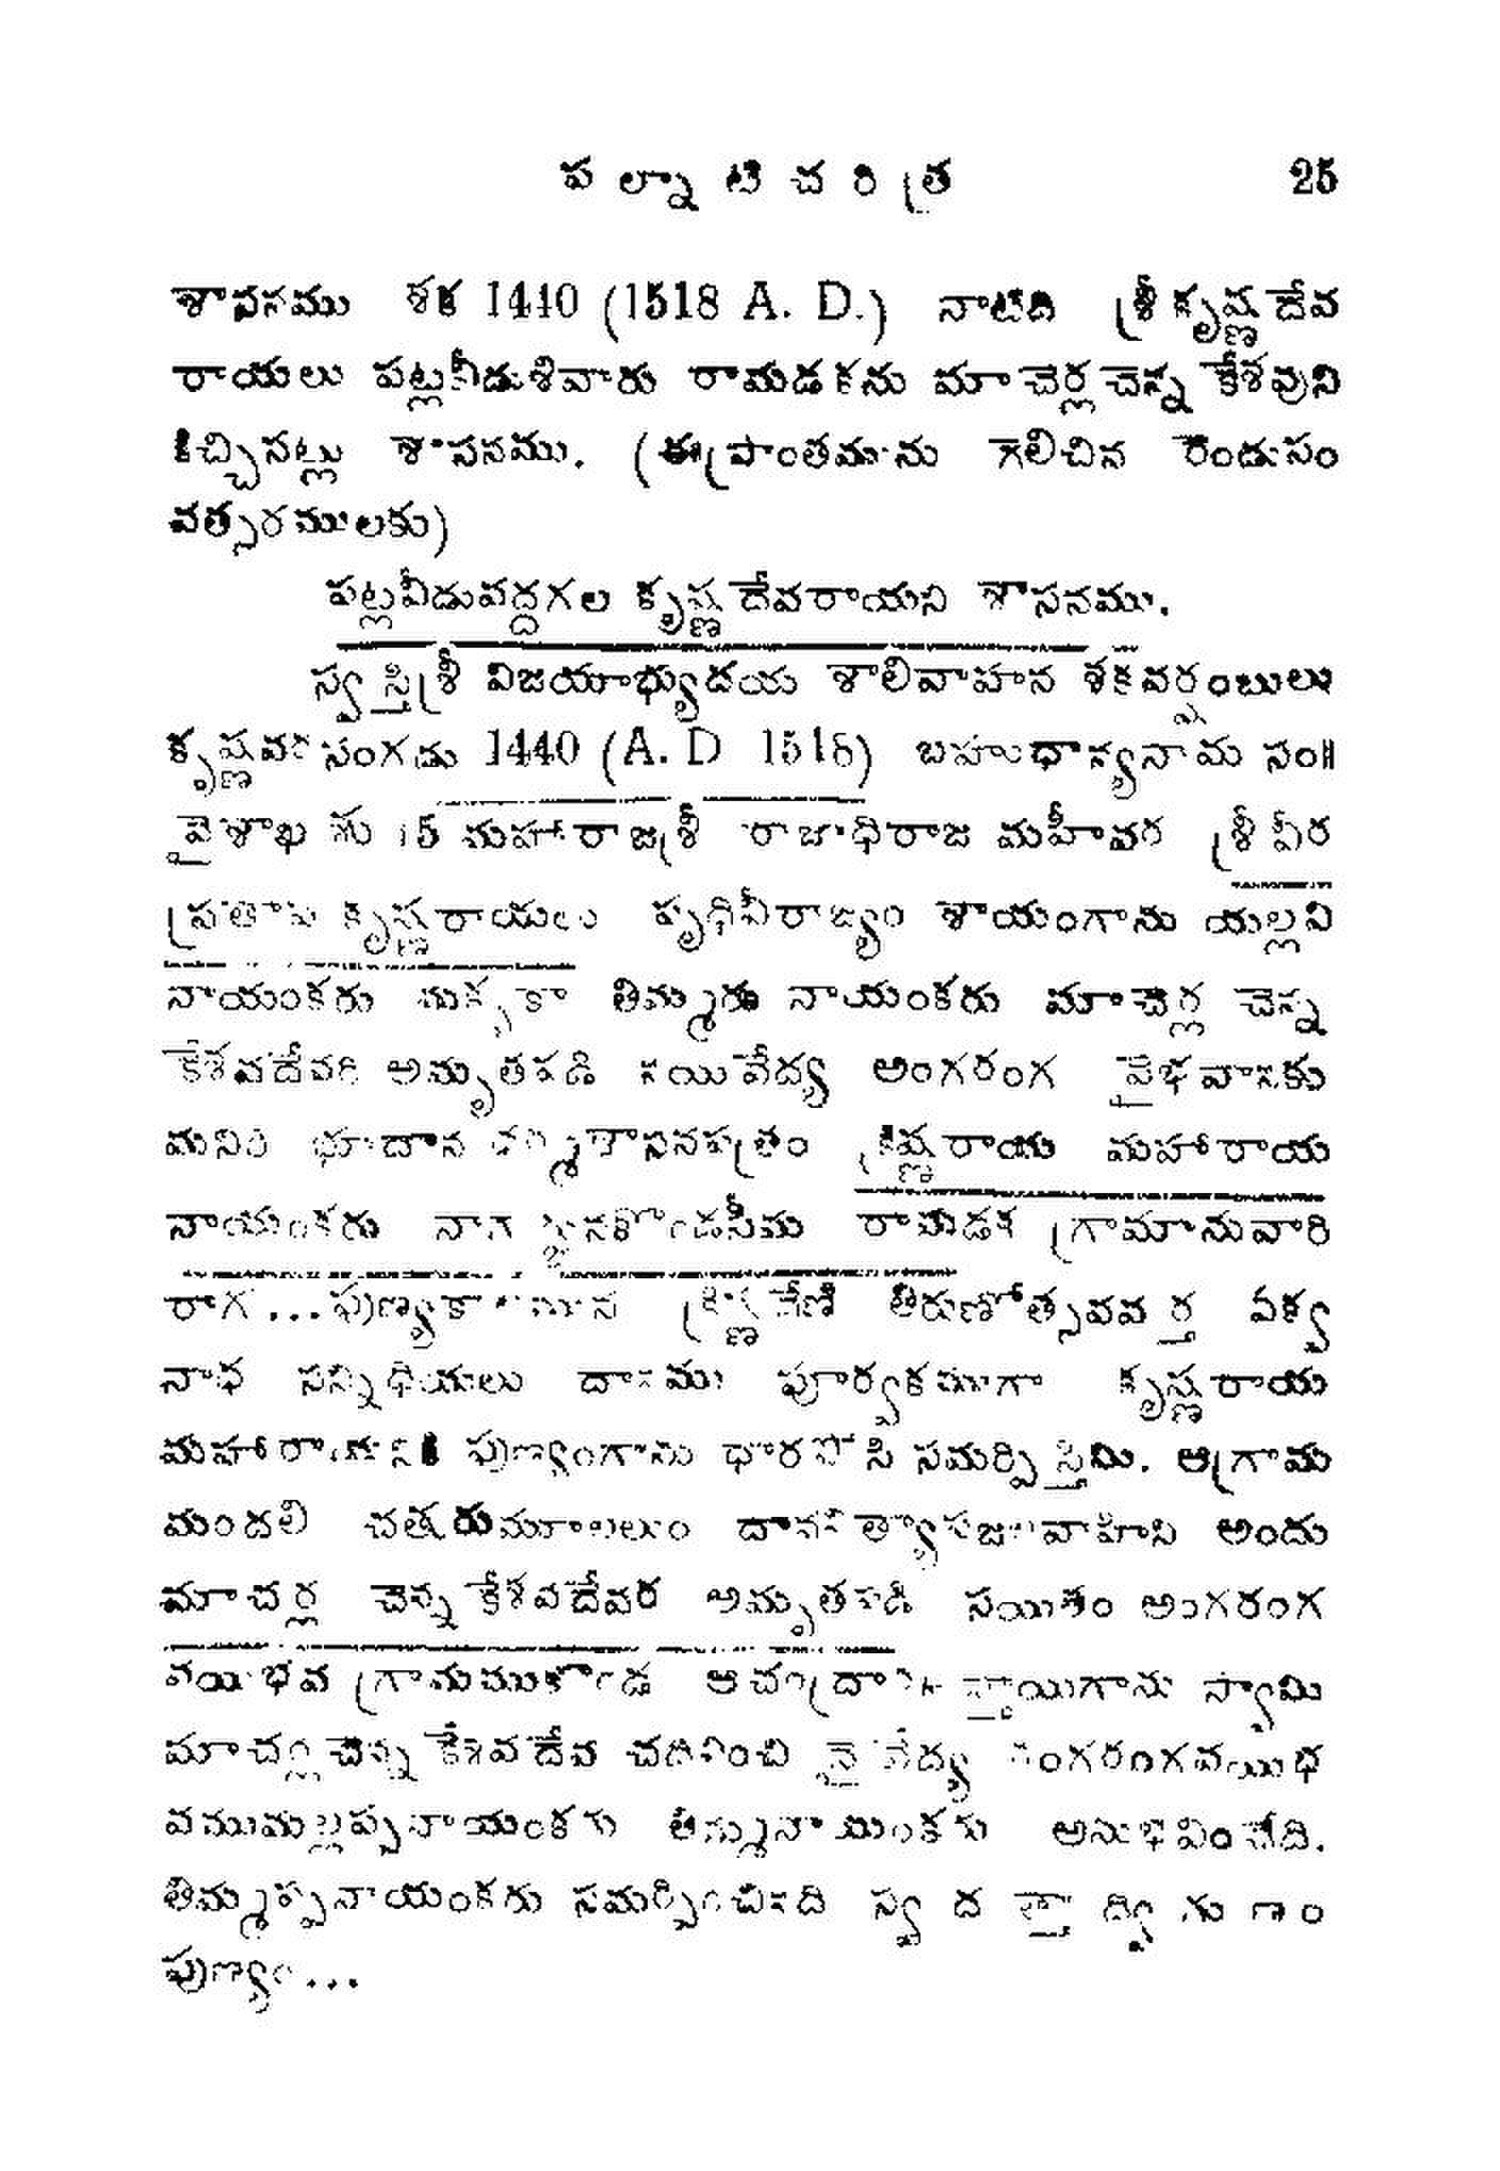శాసనము శక 1410 (1518 A. D.) నాటిది శ్రీకృష్ణదేవరాయలు 
పట్లవీడుశివారు రామడకను మాచెర్ల చెన్నకేశవునికిచ్చినట్లు శాసనము. 
(ఈ ప్రాంతమును గెలిచిన రెండు సంవత్సరములకు)

స్వస్తిశ్రీ విజయాభ్యుదయ శాలివాహన శక వర్షంబులు
కృష్ణవర సంగడు 1440 (A.D 1518) బహుధాన్యనామ సం॥
వైశాఖ శు 15 మహారాజశ్రీ రాజాధిరాజ మహీవర శ్రీ వీర
ప్రతాప కృష్ణరాయలు వృధివీరాజ్యం శాయంగాను యల్లవినాయంకరు 
మక్బకా తిమ్మరు నాయంకరు మాచెర్ల చెన్నకేశవదేవరి అమృతపడి 
నయివేద్య అంగరంగ వైభవానకుమనిరి భూదాన ధర్మశాసనపత్రం 
క్రిష్ణరాయ మహారాయ నాయంకరు నాగార్జునకొండసీమ రామడక 
గ్రామానువారిరాగ ... పుణ్యకాలమున క్రిష్ణవేణి తిరుణోత్సవవర్త 
ఏక్వనాధ సన్నిధియలు దానము పూర్వకముగా కృష్ణరాయ
మహారాయనికి పుణ్యంగాను ధారపోసి సమర్పిస్తిమి. ఆగ్రామ
మందలి చతురుమూలలం దాననిత్యాపజలవాహిని అందు
మాచర్ల చెన్నకేశవదేవర అమృతపడి సయితం అంగరంగ
వయిభవ గ్రామముకొండ ఆచంద్రార్క స్తాయిగాను స్వామి
మాచర్ల చెన్నకేశవదేవ చదివించి నైవైద్య అంగరంగవయిభవము 
మల్లప్పనాయంకరు తిమ్మనాయంకరు అనుభవించేది.
తిమ్మప్పనాయంకరు సమర్పించింది స్వదత్తాద్విగుణం
పుణ్యం...